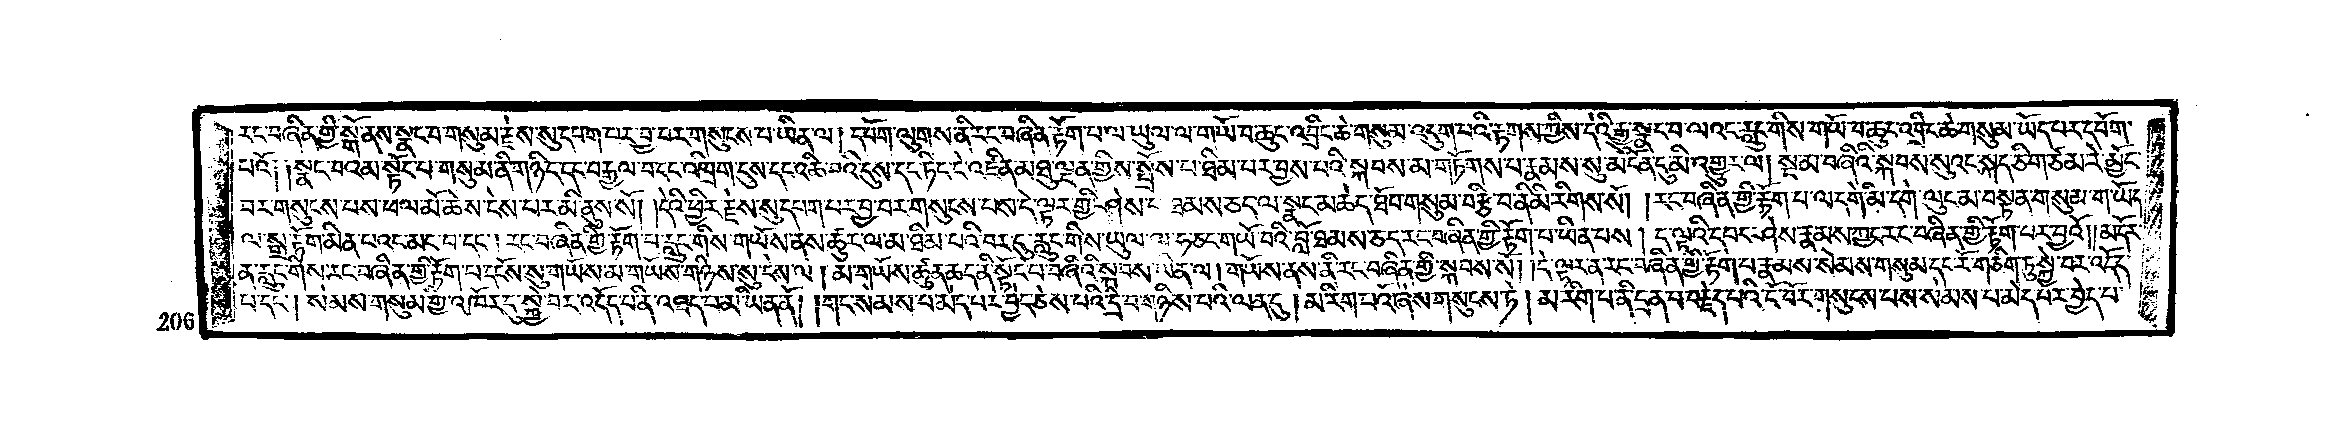རང་བཞིན་གྱི་སྒོ་ནས་སྣང་བ་གསུམ་རྗེས་སུ་དང་ག་པར་བྱ་བར་གསུངས་པ་ཡིན་ལ། དཔོག་ལུགས་ནི་རང་བཞིན་རྟོག་པ་ལ་ཡུལ་ལ་གཡོ་བ་ཆུང་འབྲིང་ཆེ་གསུམ་འདུག་པའི་རྟགས་ཀྱིས་དེའི་རྒྱུ་སྣང་བ་ལའང་རླུང་གིས་གཡོ་བ་ཆུང་འབྲིང་ཆེ་གསུམ་ཡོད་པར་དཔོག་
པའོ། །སྣང་བའམ་སྟོང་པ་གསུམ་ནི་གཉིད་དང་བརྒྱལ་བ་དང་འཁྲིག་དུས་དང་འཆི་བའི་དུས་དང་ཏིང་ངེ་འཛིན་མཐུ་ལྡན་གྱིས་སྤྲོས་པ་ཐིམ་པར་བྱས་པའི་སྐབས་མ་གཏོགས་པ་རྣམས་སུ་མངོན་དུ་མི་འགྱུར་ལ། སྔ་མ་བཞིའི་སྐབས་སུའང་སྐད་ཅིག་ཙམ་དེ་མྱོང་
བར་གསུངས་པས་ཕལ་མོ་ཆེས་ངེས་པར་མི་ནུས་སོ། །དེའི་ཕྱིར་རྗེས་སུ་དཔག་པར་བྱ་བར་གསུངས་པས་དེ་ལྟར་གྱི་ཤེས་པ་ཐམས་ཅད་ལ་སྣང་མཆེད་ཐོབ་གསུམ་བརྩི་བ་ནི་མི་རིགས་སོ། །རང་བཞིན་གྱི་རྟོག་པ་ལ་དགེ་མི་དགེ་ལུང་མ་བསྟན་གསུམ་གཡོ་
ལ་སྒྲ་རྟོག་མིན་པའང་མང་བ་དང་། རང་བཞིན་གྱི་རྟོག་པ་རླུང་གིས་གཡོས་ནས་ཚུར་ལ་མ་ཐིམ་པའི་བར་དུ་རླུང་གིས་ཡུལ་ལ་ཧ་ཅང་གཡོ་བའི་བློ་ཐམས་ཅད་རང་བཞིན་གྱི་རྟོག་པ་ཡིན་པས། ད་ལྟའི་དབང་ཤེས་རྣམས་ཀྱང་རང་བཞིན་གྱི་རྟོག་པར་བྱའོ། །མདོར་
ན་རླུང་གིས་རང་བཞིན་གྱི་རྟོག་པ་དངོས་སུ་གཡོས་པ་གཡོས་གཉིས་སུ་ངེས་ལ། མ་གཡོས་ཚུན་ཆད་ནི་སྟོང་པ་བཞིའི་སྐབས་ཡིན་ལ། གཡོས་ནས་ནི་རང་བཞིན་གྱི་སྐབས་སོ། །དེ་ལྟར་ན་རང་བཞིན་གྱི་རྟོག་པ་རྣམས་སེམས་གསུམ་དང་རོ་གཅིག་ཏུ་སྐྱེ་བར་འདོད་
པ་དང་། སེམས་གསུམ་གྱི་འཁོར་དུ་སྐྱེ་བར་འདོད་པ་ནི་འཐད་པ་མ་ཡིན་ནོ། །གང་སེམས་པ་མེད་པར་བྱེད་ཅེས་པའི་དྲ་བ་གཉིས་པའི་ལན་དུ། མ་རིག་པའོ་ཞེས་གསུངས་ཏེ། མ་རིག་པ་ནི་དྲན་པ་བརྗེད་པའི་ངོ་བོར་གསུངས་པས་སེམས་པ་མེད་པར་བྱེད་པ་